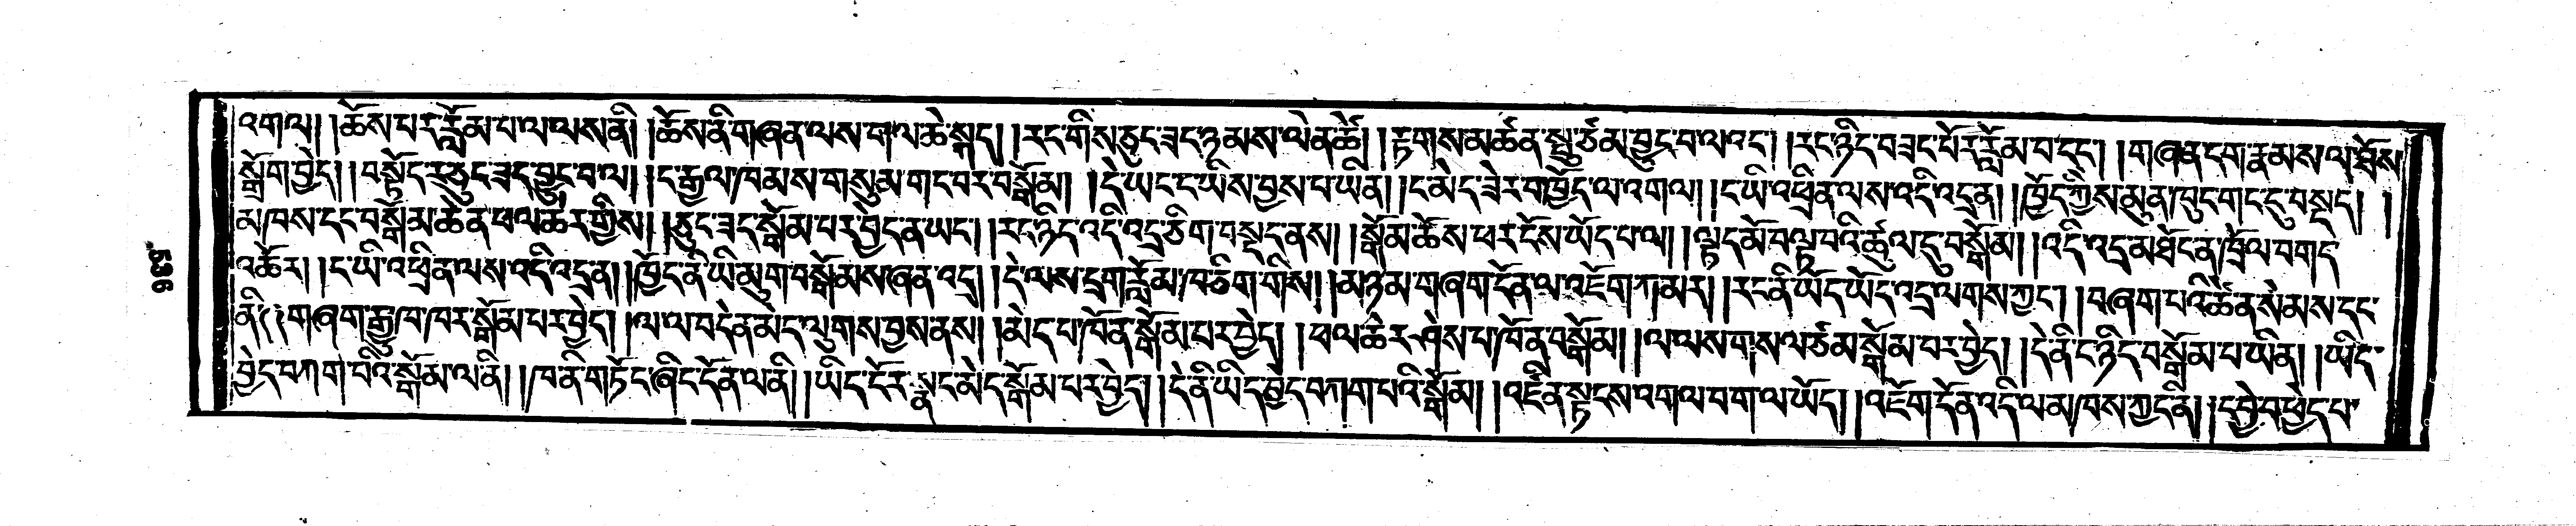འགལ། །ཆོས་པར་རློམ་པ་ལ་ལས་ནི། །ཆོས་ནི་གཞན་ལས་གལ་ཆེ་སྐད། །རང་གིས་ཅུང་ཟད་ཉམས་ལེན་ཏེ། །རྟགས་མཚན་སྤུ་ཙམ་བྱུང་བ་ལའང་། །རང་ཉིད་བཟང་པོར་རློམ་པ་དང་། །གཞན་དག་རྣམས་ལ་ཐོས་
སྒྲོག་བྱེད། །བསྟོད་ར་ཅུང་ཟད་བྱུང་བ་ལ། །ང་རྒྱལ་ཁམས་གསུམ་གང་བར་བསྒོམ། །དེ་ཡང་ང་ཡིས་བྱས་པ་ཡིན། །ང་མེད་ཟེར་བ་ཁྱོད་ལ་འགལ། །ང་ཡི་འཕྲིན་ལས་འདི་འདྲ་ན། །ཁྱོད་ཀྱིས་མུན་ཁུང་གང་དུ་བསྡད། །
མཁས་དང་བསྒོམ་ཆེན་ཕལ་ཆེར་གྱིས། །ཅུང་ཟད་སྒོམ་པར་བྱེད་ན་ཡང་། །རང་ཉིད་འདི་འདྲ་ཅིག་བསྡད་ནས། །སྒོམ་ཆོས་ཕར་ངོས་ཡོད་པ་ལ། །ལྟད་མོ་བལྟ་བའི་ཚུལ་དུ་བསྒོམ། །འདི་འདྲ་མཐོང་ན་ཁྲོལ་བགད་
འཆོར། །ང་ཡི་འཕྲིན་ལས་འདི་འདྲ་ན། །ཁྱོད་ནི་ཡི་མུག་བསྒོམས་ཞན་འདྲ། །དེ་ལས་དྲག་རློམ་ཁ་ཅིག་གིས། །མཉམ་གཞག་དོན་ལ་འཇོག་ཀ་མར། །རང་ནི་ཡོད་ཡོད་འདྲ་ལགས་ཀྱང་། །བཞག་པའི་ཚེ་ན་སེམས་དང་
ནི༑ ༑གཞག་རྒྱུ་ཁ་ཁར་སྒོམ་པར་བྱེད། །ལ་ལ་བདེན་མེད་ལུགས་བྱས་ནས། །མེད་པ་ཁོ་ན་སྒོམ་པར་བྱེད། །ཕལ་ཆེར་ཤེས་པ་ཁོ་ན་བསྒོམ། །ལ་ལས་གསལ་ཙམ་སྒོམ་པར་བྱེད། །དེ་ནི་ང་ཉིད་བསྒོམ་པ་ཡིན། །ཡིད་
བྱེད་བཀག་པའི་སྒོམ་ལ་ནི། །ཁ་ནི་གཏོང་ཞིང་དོན་ལ་ནི། །ཡིད་ངོར་སྣང་མེད་སྒོམ་པར་བྱེད། །དེ་ནི་ཡིད་བྱེད་བཀག་པའི་སྒོམ། །འཛིན་སྟངས་འགལ་བ་ག་ལ་ཡོད། །འཇོག་དོན་འདི་ལ་མཁས་ཀྱང་ནི། །དབྱེ་བ་ཕྱེད་པ་